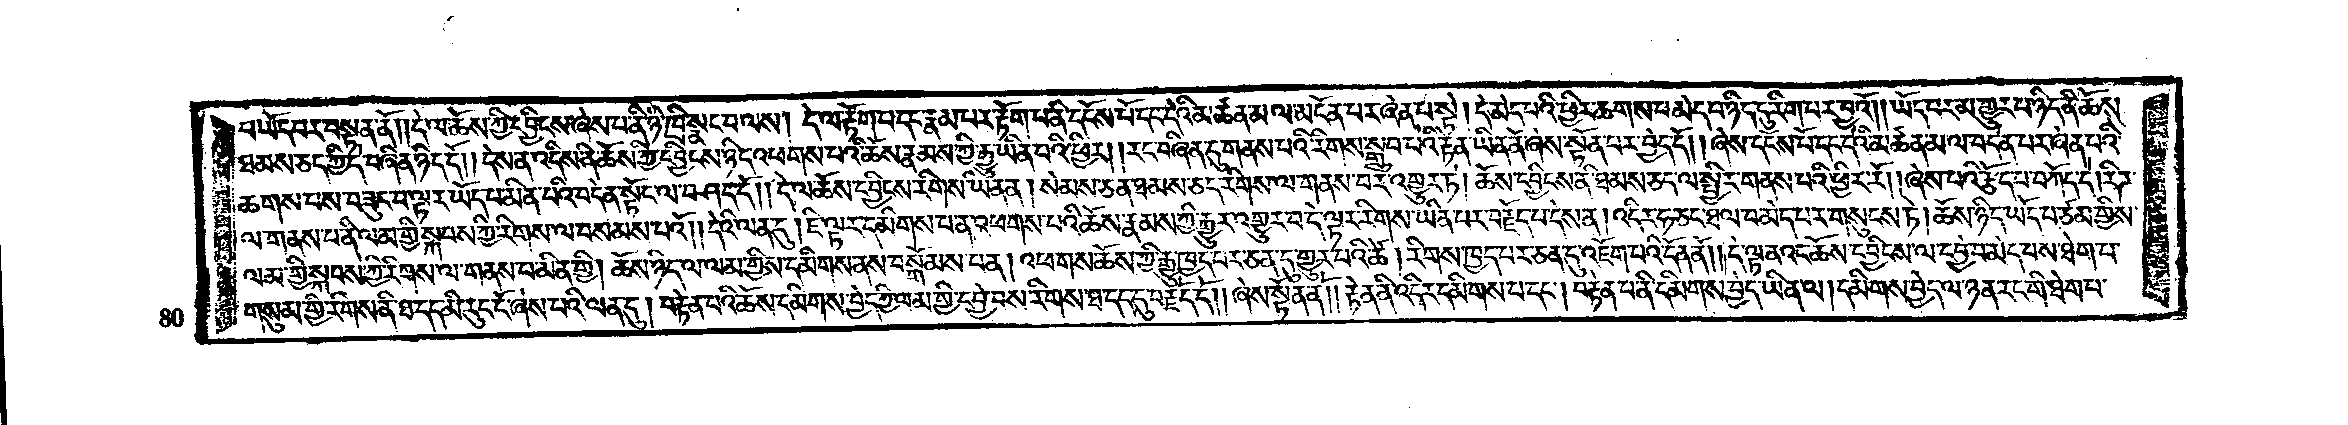པ་ཡོད་པར་བསྟན་ནོ། །དེ་ལ་ཆོས་ཀྱི་དབྱིངས་ཞེས་པ་ནི་ཉི་ཁྲི་སྣང་བ་ལས། དེ་ལ་རྟོག་པ་དང་རྣམ་པར་རྟོག་པ་ནི་དངོས་པོ་དང་དེའི་མཚན་མ་ལ་མངོན་པར་ཞེན་པ་སྟེ། དེ་མེད་པའི་ཕྱིར་ཆགས་པ་མེད་པ་ཉིད་དུ་རིག་པར་བྱའོ། །ཡོད་པར་མ་གྱུར་པ་ཉིད་ནི་ཆོས་
ཐམས་ཅད་ཀྱི་དེ་བཞིན་ཉིད་དོ། །དེས་ན་འདིས་ནི་ཆོས་ཀྱི་དབྱིངས་ཉིད་འཕགས་པའི་ཆོས་རྣམས་ཀྱི་རྒྱུ་ཡིན་པའི་ཕྱིར། །རང་བཞིན་དུ་གནས་པའི་རིགས་སྒྲུབ་པའི་རྟེན་ཡིན་ནོ་ཞེས་སྟོན་པར་བྱེད་དོ། །ཞེས་དངོས་པོ་དང་དེའི་མཚན་མ་ལ་བདེན་པར་ཞེན་པའི་
ཆགས་པས་བཟུང་བ་ལྟར་ཡོད་པ་མིན་པའི་བདེན་སྟོང་ལ་བཤད་དོ། །དེ་ལ་ཆོས་དབྱིངས་རིགས་ཡིན་ན། སེམས་ཅན་ཐམས་ཅད་རིགས་ལ་གནས་པར་འགྱུར་ཏེ། ཆོས་དབྱིངས་ནི་ཐམས་ཅད་ལ་སྤྱིར་གནས་པའི་ཕྱིར་རོ། །ཞེས་པའི་རྩོད་པ་བཀོད་དེ། རིགས་
ལ་གནས་པ་ནི་ལམ་གྱི་སྐབས་ཀྱི་རིགས་ལ་བསམས་པའོ། །དེའི་ལན་དུ། ཇི་ལྟར་དམིགས་པ་ན་འཕགས་པའི་ཆོས་རྣམས་ཀྱི་རྒྱུར་འགྱུར་བ་དེ་ལྟར་རིགས་ཡིན་པར་བརྗོད་པ་དེས་ན། འདིར་ཧ་ཅང་ཐལ་བ་མེད་པར་གསུངས་ཏེ། ཆོས་ཉིད་ཡོད་པ་ཙམ་གྱིས་
ལམ་གྱི་སྐབས་ཀྱི་རིགས་ལ་གནས་པ་མིན་གྱི། ཆོས་ཉིད་ལ་ལམ་གྱིས་དམིགས་ནས་བསྒོམས་པ་ན། འཕགས་ཆོས་ཀྱི་རྒྱུ་ཁྱད་པར་ཅན་དུ་གྱུར་པའི་ཚེ། རིགས་ཁྱད་པར་ཅན་དུ་འཇོག་པའི་དོན་ནོ། །དེ་ལྟ་ནའང་ཆོས་དབྱིངས་ལ་དབྱེ་བ་མེད་པས་ཐེག་པ་
གསུམ་གྱི་རིགས་ནི་ཐ་དད་མི་རུང་ངོ་ཞེས་པའི་ལན་དུ། བརྟན་པའི་ཆོས་དམིགས་བྱེད་ཀྱི་ལམ་གྱི་དབྱེ་བས་རིགས་ཐ་དད་དུ་བརྗོད་དོ། །ཞེས་སྟོན་ནོ། །རྟེན་ནི་འདིར་དམིགས་པ་དང་། བརྟེན་པ་ནི་དམིགས་བྱེད་ཡིན་ལ། དམིགས་བྱེད་ལ་ཉན་རང་གི་ཐེག་པ་